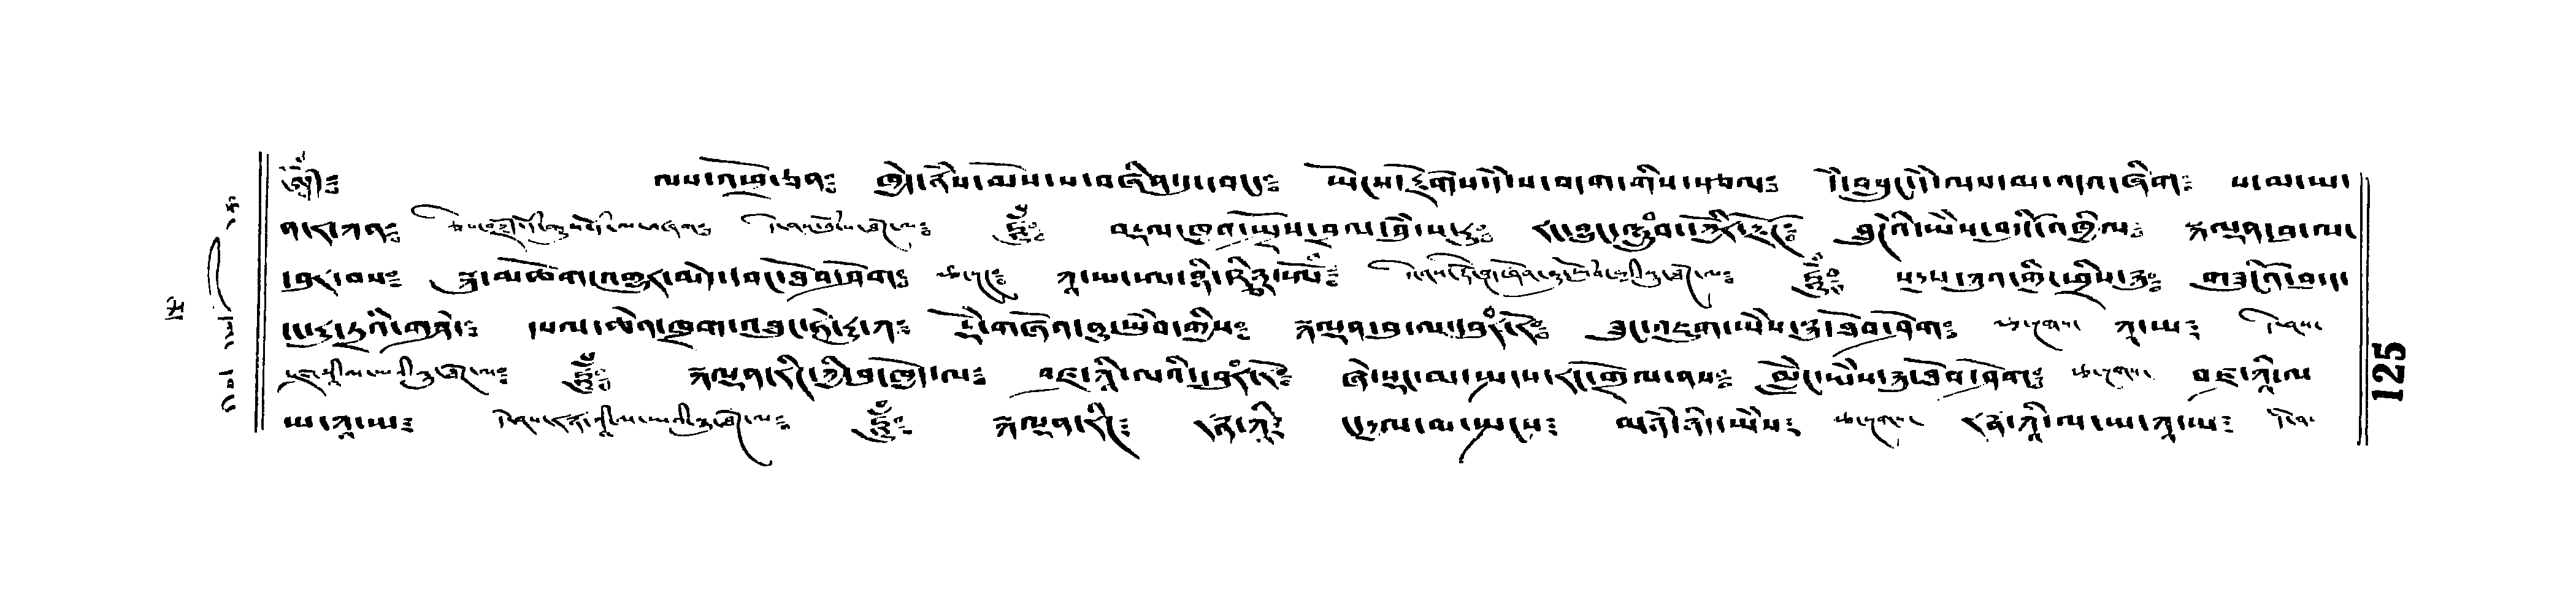ལས་འཕྲོ་ཅན༔ ཁྱེད་རྣམས་མོས་པ་བཞིན་དུ་དབང༔ ཡོངས་རྫོགས་དམ་པ་བདག་གིས་སྩལ༔ དམ་སྲུངས་དམ་ལས་མ་འདའ་ཞིག༔ ས་མ་ཡ་
ན་ར་ཀན༔ ཅེས་བརྗོད་དམ་ཆུས་དམ་ལ་བཞག༔དེ་ནས་བུམ་པ་ཐོགས་ལ༔ ཧཱུྃ༔ བརྡལ་ཁྱབ་སྤྲོས་བྲལ་བུམ་པ་རུ༔ རང་བྱུང་ལྷུན་གྲུབ་དཀྱིལ་འཁོར་རྫོགས༔ ཐུགས་རྗེའི་ཡེ་ཤེས་བདུད་རྩི་འཁྱིལ༔ སྐལ་ལྡན་བུ་ལ་
དབང་བསྐུར་བས༔ སྐུ་མཆོག་འགྱུར་མེད་དབང་ཐོབ་ཤོག༔ རྩ་སྔགས༔ ཀཱ་ཡ་ཨ་བྷི་རིཉྩ་ཨོཾ༔ དེ་ནས་རྡོ་རྗེ་གཞོན་ནུ་ཡབ་ཡུམ་གྱི་སྐུ་ཐོགས་ལ༔ ཧཱུྃ༔ སངས་རྒྱས་ཀུན་གྱི་ཕྲིན་ལས་སྐུ༔ གཟུང་འཛིན་བདུད་
དང་རུ་ཏྲའི་གཤེད༔ དཔལ་ཆེན་ཁྲག་འཐུང་ཧེ་རུ་ཀ༔ རྡོ་རྗེ་གཞོན་ནུ་ཡབ་ཡུམ་གྱིས༔ སྐལ་ལྡན་བུ་ལ་དབང་བསྐུར་རོ༔ ཟུང་འཇུག་ཡེ་ཤེས་སྐུ་ཐོབ་ཤོག༔ རྩ་སྔགས༔ ཨ་བྷི་སོགས༔ དེ་ནས་
བཛྲ་ཀཱི་ལ་ཡའི་སྐུ་ཐོགས་ལ༔ ཧཱུྃ༔ སྐལ་ལྡན་རིགས་ཀྱི་བུ་ཁྱོད་ལ༔ བཛྲ་ཀཱི་ལའི་དབང་བསྐུར་རོ༔ ཞེ་སྡང་མ་སྤངས་རང་གྲོལ་ནས༔ མེ་ལོང་ཡེ་ཤེས་སྐུ་ཐོབ་ཤོག༔ རྩ་སྔགས༔ བཛྲ་ཀཱི་ལ་
ཨ་བྷི་སོགས༔ དེ་ནས་རཏྣ་ཀཱི་ལ་ཡའི་སྐུ་ཐོགས་ལ༔ ཧཱུྃ༔ སྐལ་ལྡན་རིགས༴ རཏྣ་ཀཱི་ལའི༴ ང་རྒྱལ་མ་སྤངས༴ མཉམ་ཉིད་ཡེ་ཤེས༴ རྩ་སྔགས༔ རཏྣ་ཀཱི་ལ་ཡ་ཨ་བྷི་སོགས༔ དེ་ན་